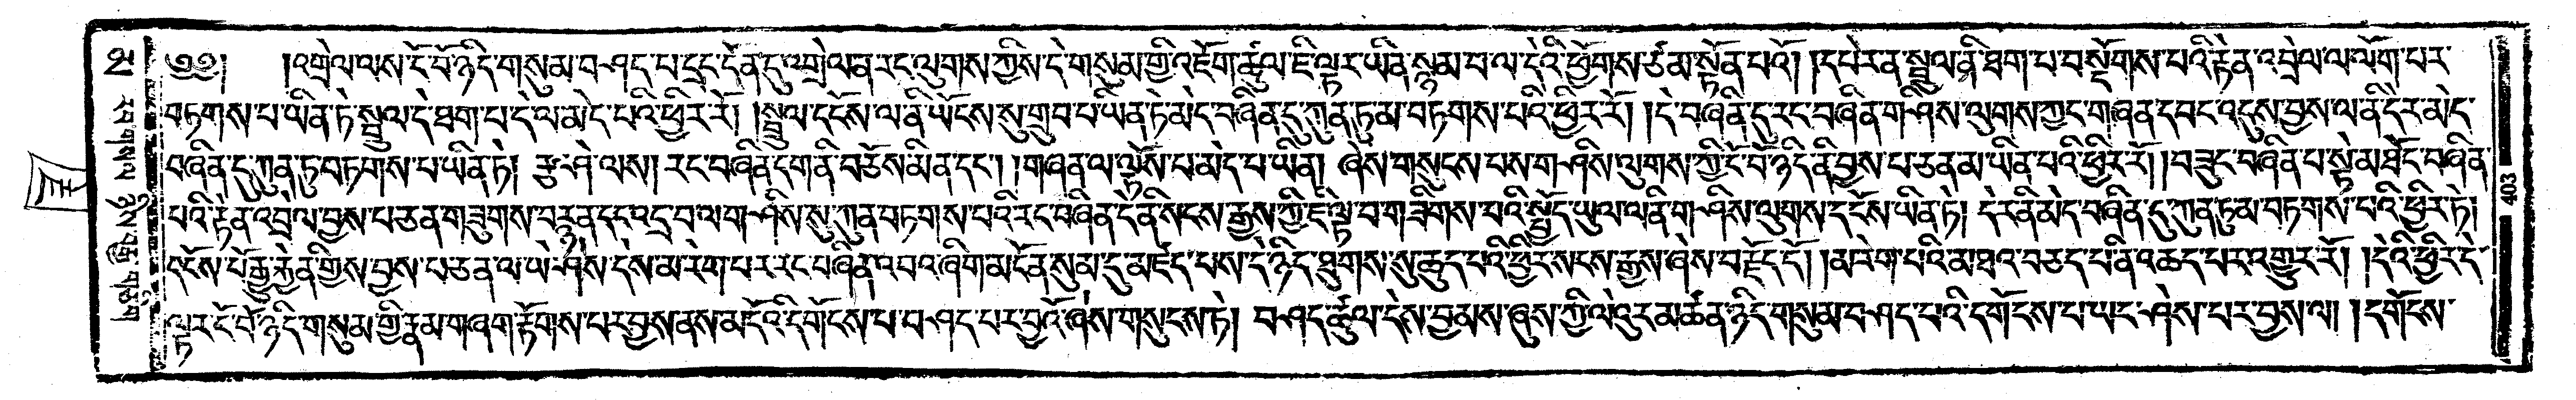༄༅། །འགྲེལ་ལས་ངོ་བོ་ཉིད་གསུམ་བཤད་པ་དྲང་དོན་དུ་འགྲེལ་ན་རང་ལུགས་ཀྱིས་དེ་གསུམ་གྱི་འཇོག་ཚུལ་ཇི་ལྟར་ཡིན་སྙམ་པ་ལ་དེའི་ཕྱོགས་ཙམ་སྟོན་པའོ། །དཔེར་ན་སྦྲུལ་ནི་ཐག་པ་བསྡོགས་པའི་རྟེན་འབྲེལ་ལ་ལོག་པར་
བཏགས་པ་ཡིན་ཏེ་སྦྲུལ་དེ་ཐག་པ་དེ་ལ་མེད་པའི་ཕྱིར་རོ། །སྦྲུལ་དངོས་ལ་ནི་ཡོངས་སུ་གྲུབ་པ་ཡིན་ཏེ་མེད་བཞིན་དུ་ཀུན་ཏུ་མ་བཏགས་པའི་ཕྱིར་རོ། །དེ་བཞིན་དུ་རང་བཞིན་གཤིས་ལུགས་ཀྱང་གཞན་དབང་འདུས་བྱས་ལ་ནི་དེར་མེད་
བཞིན་དུ་ཀུན་ཏུ་བཏགས་པ་ཡིན་ཏེ། རྩ་ཤེ་ལས། རང་བཞིན་དག་ནི་བཅོས་མིན་དང་། །གཞན་ལ་ལྟོས་པ་མེད་པ་ཡིན། ཞེས་གསུངས་པས་གཤིས་ལུགས་ཀྱི་ངོ་བོ་ཉིད་ནི་བྱས་པ་ཅན་མ་ཡིན་པའི་ཕྱིར་རོ། །བཟུང་བཞིན་པ་སྟེ་མཐོང་བཞིན་
པའི་རྟེན་འབྲེལ་བྱས་པ་ཅན་གཟུགས་བརྙན་དང་འདྲ་བ་ལ་གཤིས་སུ་ཀུན་བཏགས་པའི་རང་བཞིན་དེ་ནི་སངས་རྒྱས་ཀྱི་ཇི་ལྟ་བ་གཟིགས་པའི་སྤྱོད་ཡུལ་ལ་ནི་གཤིས་ལུགས་དངོས་ཡིན་ཏེ། དེར་ནི་མེད་བཞིན་དུ་ཀུན་ཏུ་མ་བཏགས་པའི་ཕྱིར་ཏེ།
དངོས་པོ་རྒྱུ་རྐྱེན་གྱིས་བྱས་པ་ཅན་ལ་ཡེ་ཤེས་དེས་མ་རེག་པར་རང་བཞིན་འབའ་ཞིག་མངོན་སུམ་དུ་མཛད་པས་དེ་ཉིད་ཐུགས་སུ་ཆུད་པའི་ཕྱིར་སངས་རྒྱས་ཞེས་བརྗོད་དེ། །མ་རེག་པའི་མཐའ་བཅད་པ་ནི་འཆད་པར་འགྱུར་རོ། །དེའི་ཕྱིར་དེ་
ལྟར་ངོ་བོ་ཉིད་གསུམ་གྱི་རྣམ་གཞག་རྟོགས་པར་བྱས་ནས་མདོའི་དགོངས་པ་བཤད་པར་བྱའོ་ཞེས་གསུངས་ཏེ། བཤད་ཚུལ་དེས་བྱམས་ཞུས་ཀྱི་ལེའུར་མཚན་ཉིད་གསུམ་བཤད་པའི་དགོངས་པ་ཡང་ཤེས་པར་བྱས་ལ། །དགོངས་